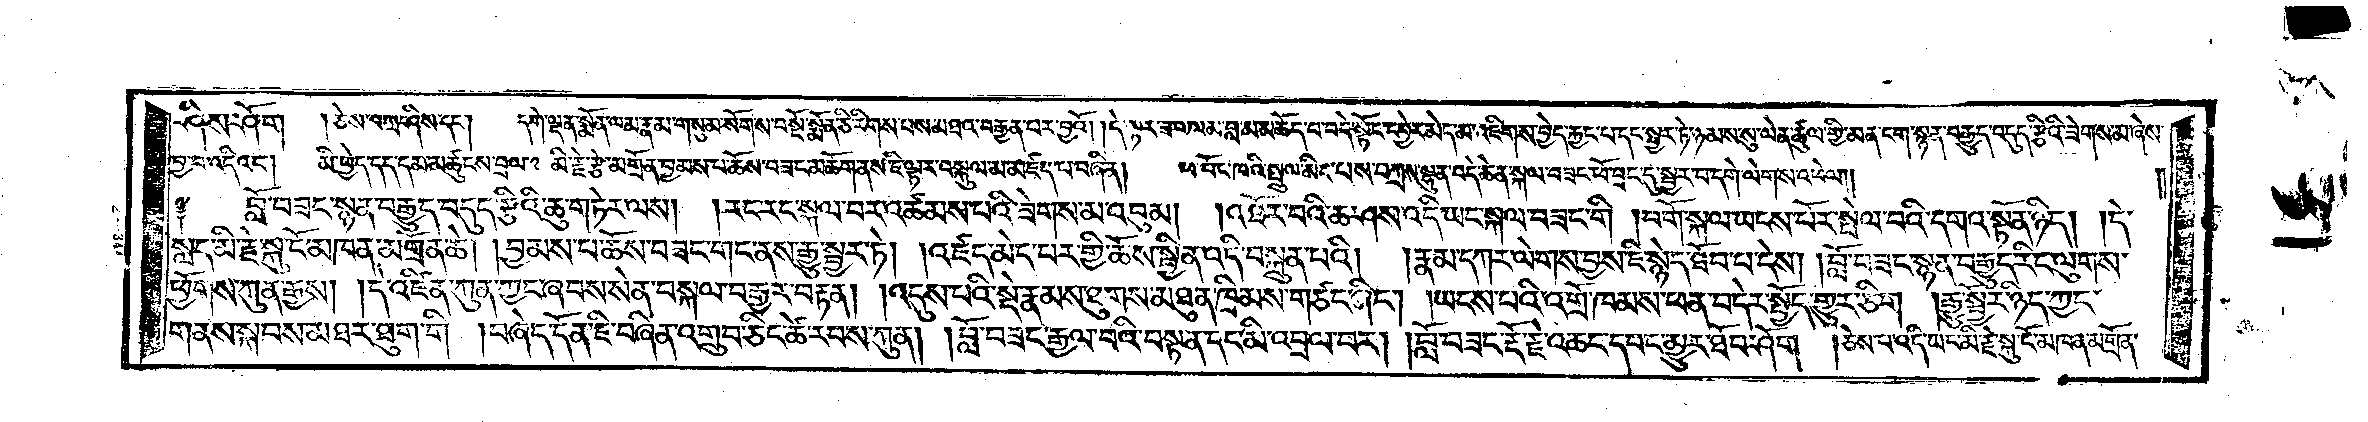ཤིས་ཤོག །ཅེས་བཀྲ་ཤིས་དང་། དགེ་ལྡན་སྨོན་ལམ་རྣམ་གསུམ་སོགས་བསྔོ་སྨོན་ཅི་རིགས་པས་མཐའ་བརྒྱན་བར་བྱའོ། །དེ་ལྟར་ཟབ་ལམ་བླ་མ་མཆོད་པ་བདེ་སྟོང་དབྱེར་མེད་མ་འཇིགས་བྱེད་རྐྱང་པ་དང་སྦྱར་ཏེ་ཉམས་སུ་ལེན་ཚུལ་གྱི་མན་ངག་སྙན་བརྒྱུད་བདུད་རྩིའི་ཟེགས་མ་ཞེས་
བྱ་བ་འདིའང་། མི་ཕྱེད་དད་དམ་མཚུངས་བྲལ ༧་མི་རྗེ་རྩེ་མགྲོན་བྱམས་པ་ཆོས་བཟང་མཆོག་ནས་ཇི་ལྟར་བསྐུལ་མ་མཛད་པ་བཞིན། ཕ་བོང་ཁའི་སྤྲུལ་མིང་པས་བཀྲས་ལྷུན་བདེ་ཆེན་སྐལ་བཟང་ཕོ་བྲང་དུ་སྦྱར་བ་དགེ་ལེགས་འཕེལ།། །།
༈ བློ་བཟང་སྙན་བརྒྱུད་བདུད་རྩིའི་ཆུ་གཏེར་ལས། །རང་རང་སྐལ་བར་འཚམས་པའི་ཟེགས་མ་འབུམ། །འཐོར་བའི་ཆ་ཤས་འདི་ཡང་སྐལ་བཟང་གི །བགོ་སྐལ་ཡངས་པོར་སྤེལ་བའི་དགའ་སྟོན་ཉིད། །དེ་
སླད་མི་རྗེ་སྐུ་ངོ་མཁན་མགྲོན་ཆེ། །བྱམས་པ་ཆོས་བཟང་གང་ནས་རྒྱུ་སྦྱར་ཏེ། །འཛད་མེད་པར་གྱི་ཆོས་སྦྱིན་འདི་བསྐྲུན་པའི། །རྣམ་དཀར་ལེགས་བྱས་ཇི་སྙེད་ཐོབ་པ་དེས། །བློ་བཟང་སྙན་བརྒྱུད་རིང་ལུགས་
ཕྱོགས་ཀུན་རྒྱས། །དེ་འཛིན་ཀུན་ཀྱང་ཞབས་སེན་བསྐལ་བརྒྱར་བརྟན། །འདུས་པའི་སྡེ་རྣམས་ཐུགས་མཐུན་ཁྲིམས་གཙང་ཞིང་། །ཡངས་པའི་འགྲོ་ཁམས་ཕན་བདེར་སྤྱོད་གྱུར་ཅིག །རྒྱུ་སྦྱོར་ཉིད་ཀྱང་
གནས་སྐབས་མཐར་ཐུག་གི །བཞེད་དོན་ཇི་བཞིན་འགྲུབ་ཅིང་ཚེ་རབས་ཀུན། །བློ་བཟང་རྒྱལ་བའི་བསྟན་དང་མི་འབྲལ་བར། །བློ་བཟང་རྡོ་རྗེ་འཆང་དབང་མྱུར་ཐོབ་ཤོག །ཅེས་པ་འདི་ཡང་མི་རྗེ་སྐུ་ངོ་མཁན་མགྲོན་